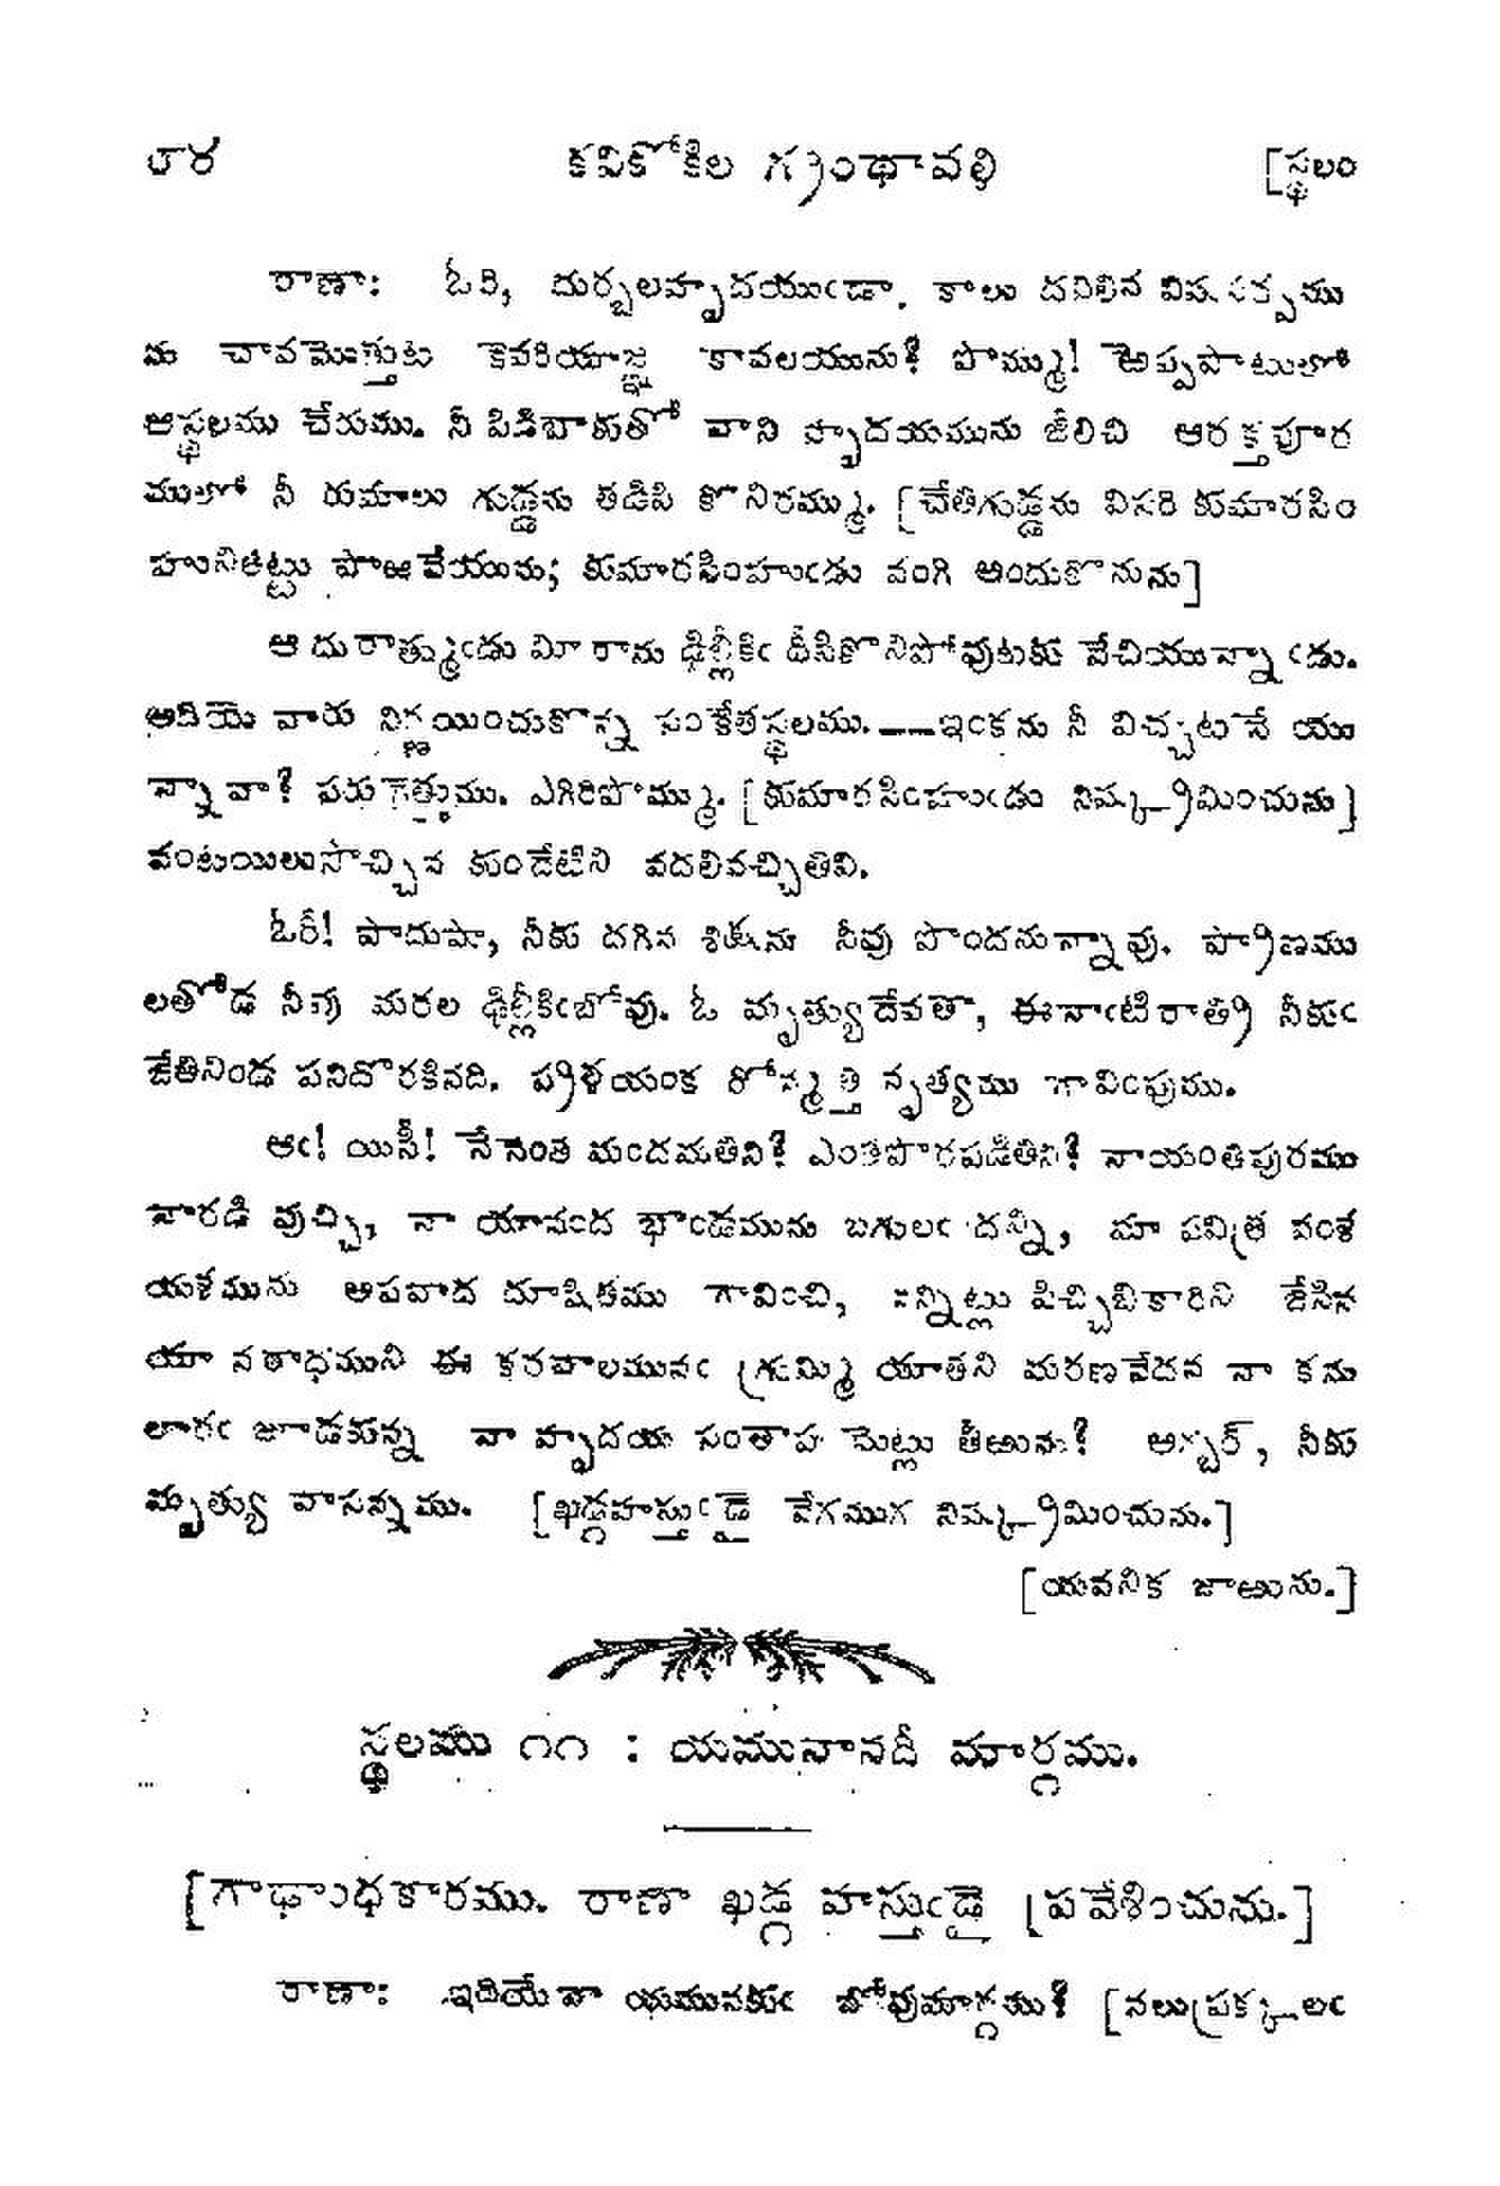రాణా : ఓరి, దుర్బలహృదయుఁడా. కాలు దవిలిన విష సర్పమును చావమొత్తుట కెవరియాజ్ఞ కావలయును? పొమ్ము! ఱెప్పపాటులో ఆస్థలము చేరుము. నీ పిడిబాకుతో వాని హృదయమును జీలిచి ఆరక్తపూరములో నీ రుమాలు గుడ్డను తడిపి కొనిరమ్ము. [చేతిగుడ్డను విసరి కుమారసింహునితట్టు పాఱవేయును; కుమారసింహుఁడు వంగి అందుకొనును]

ఆ దురాత్ముఁడు మీరాను ఢిల్లీకిఁ దీసికొనిపోవుటకు వేచియున్నాఁడు. అదియె వారు నిర్ణయించుకొన్న సంకేతస్థలము. - ఇంకను నీ విచ్చటనే యున్నావా? పరుగెత్తుము. ఎగిరిపొమ్ము. [కుమ్మరసింహుఁడు నిష్క్రమించును] వంటయిలుసొచ్చిన కుందేటిని వదలివచ్చితివి.

ఓరీ! పాదుషా, నీకు దగిన శిక్షను నీవు పొందనున్నావు. ప్రాణములతోడ నీవు మరల ఢిల్లీకిఁబోవు. ఓ మృత్యుదేవతా, ఈనాఁటిరాత్రి నీకుఁ జేతినిండ పనిదొరికినది. ప్రళయంక రోన్మత్త నృత్యము గావింపుము.

ఆఁ! యిసీ! నేనెంత మందమతిని? ఎంతపొరపడితిని? నాయంత:పురము నారడి వుచ్చి, నా యానంద భాండమును బగులఁ దన్ని, మా పవిత్ర వంశ యశమును అపవాద దూషితము గావించి, నన్నిట్లు పిచ్చిబికారిని జేసిన యా నరాధముని ఈ కరవాలమునఁ గ్రుమ్మి యాతని మరణవేదన నా కను లారఁ జూడకున్న నా హృదయ సంతాప మెట్లు తీఱును? అగ్బర్, నీకు మృత్యు వాసన్నము. [ఖడ్గహస్తుఁడై వేగముగ నిష్క్రమించును.]

రాణా : ఇదియేనా యమునకుఁ బోవుమార్గము ? [నలుప్రక్కలఁ